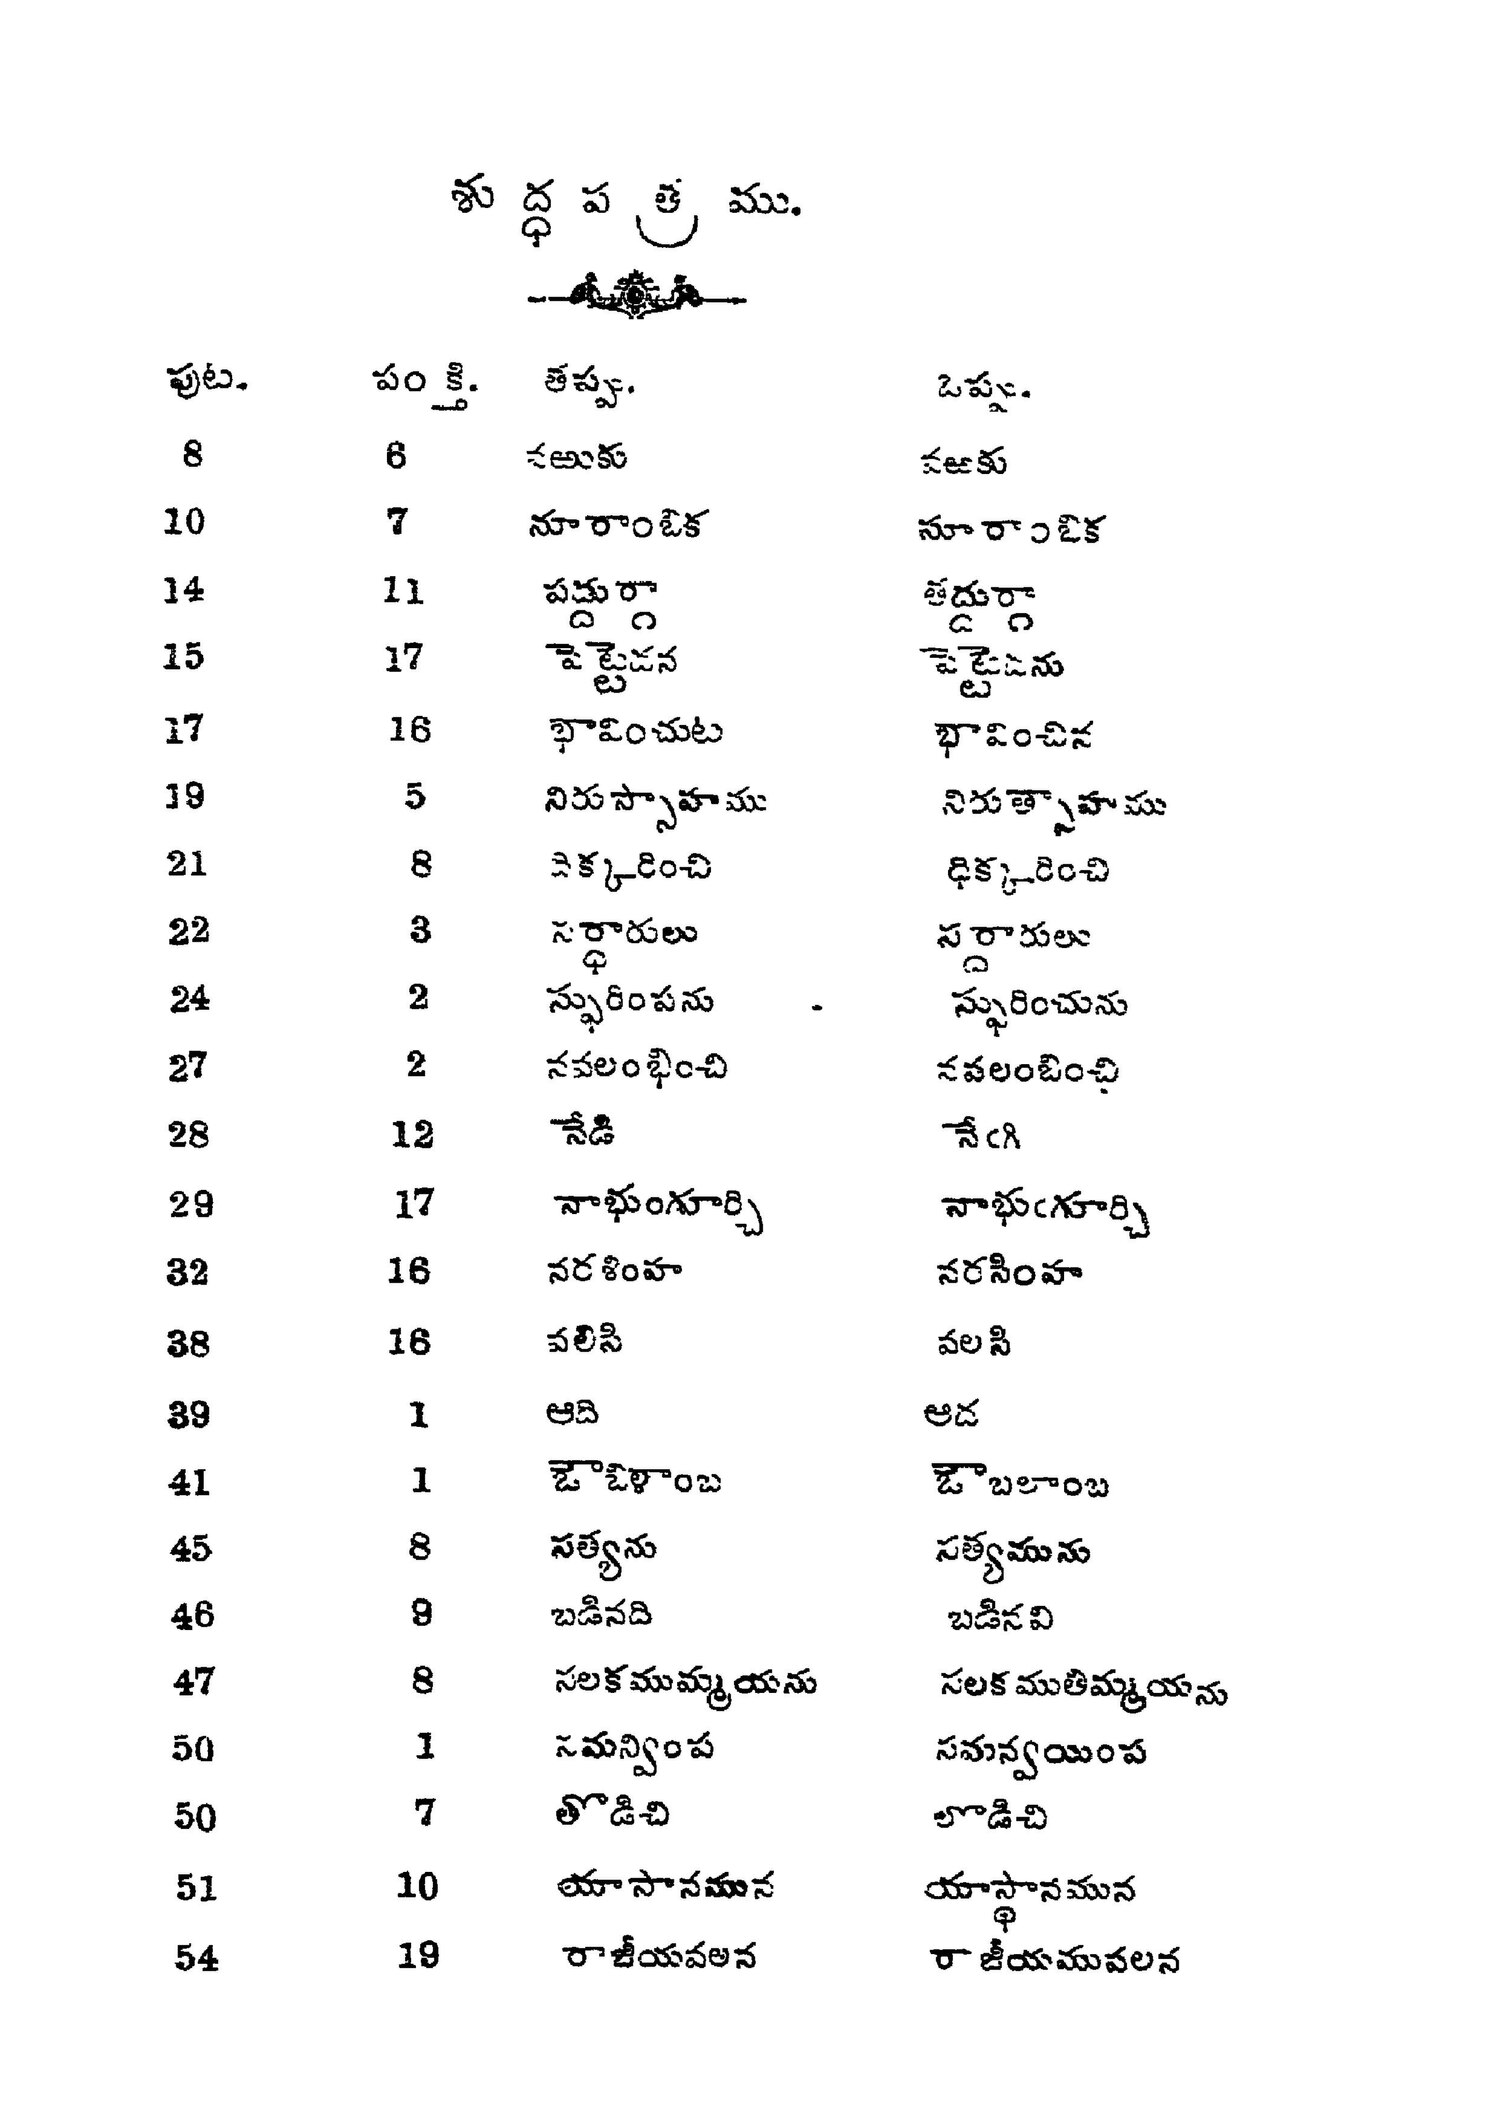పుట. పంక్తి. తప్పు. ఒప్పు. 8 6 వఱుకు వఱకు 10 7 నూరాంబిక సూరాంబిక 14 11 పద్దుర్గా తద్దుర్గా 15 17 పెట్టెదన పెట్టెదను 17 16 భావించుట భావించిన 19 5 నిరుస్సాహము నిరుత్సాహము 21 8 దిక్కరించి ధిక్కరించి 22 3 సర్ధారులు సర్దారులు 24 2 స్ఫురింపను స్ఫురించును 27 2 నవలంభించి నవలంబించి 28 12 సేడి సేగి 29 17 నాభుంగూర్చి నాభుగూర్చి 32 16 నరశింహ నరసింహ 38 16 వలిసి వలసి 39 1 ఆది ఆద 41 1 ఔబిళాంబ ఔబలాంబ 45 8 సత్యను సత్యమును 46 9 బడినది బడినవి 47 8 సలకముమ్మయను సలకముతిమ్మయను 50 1 సమన్వింప సమన్వయింప 50 7 తొడిచి లొడిచి 51 10 యాసానమున యాస్థానమున 54 19 రాజీయవలన రాజీయమువలన